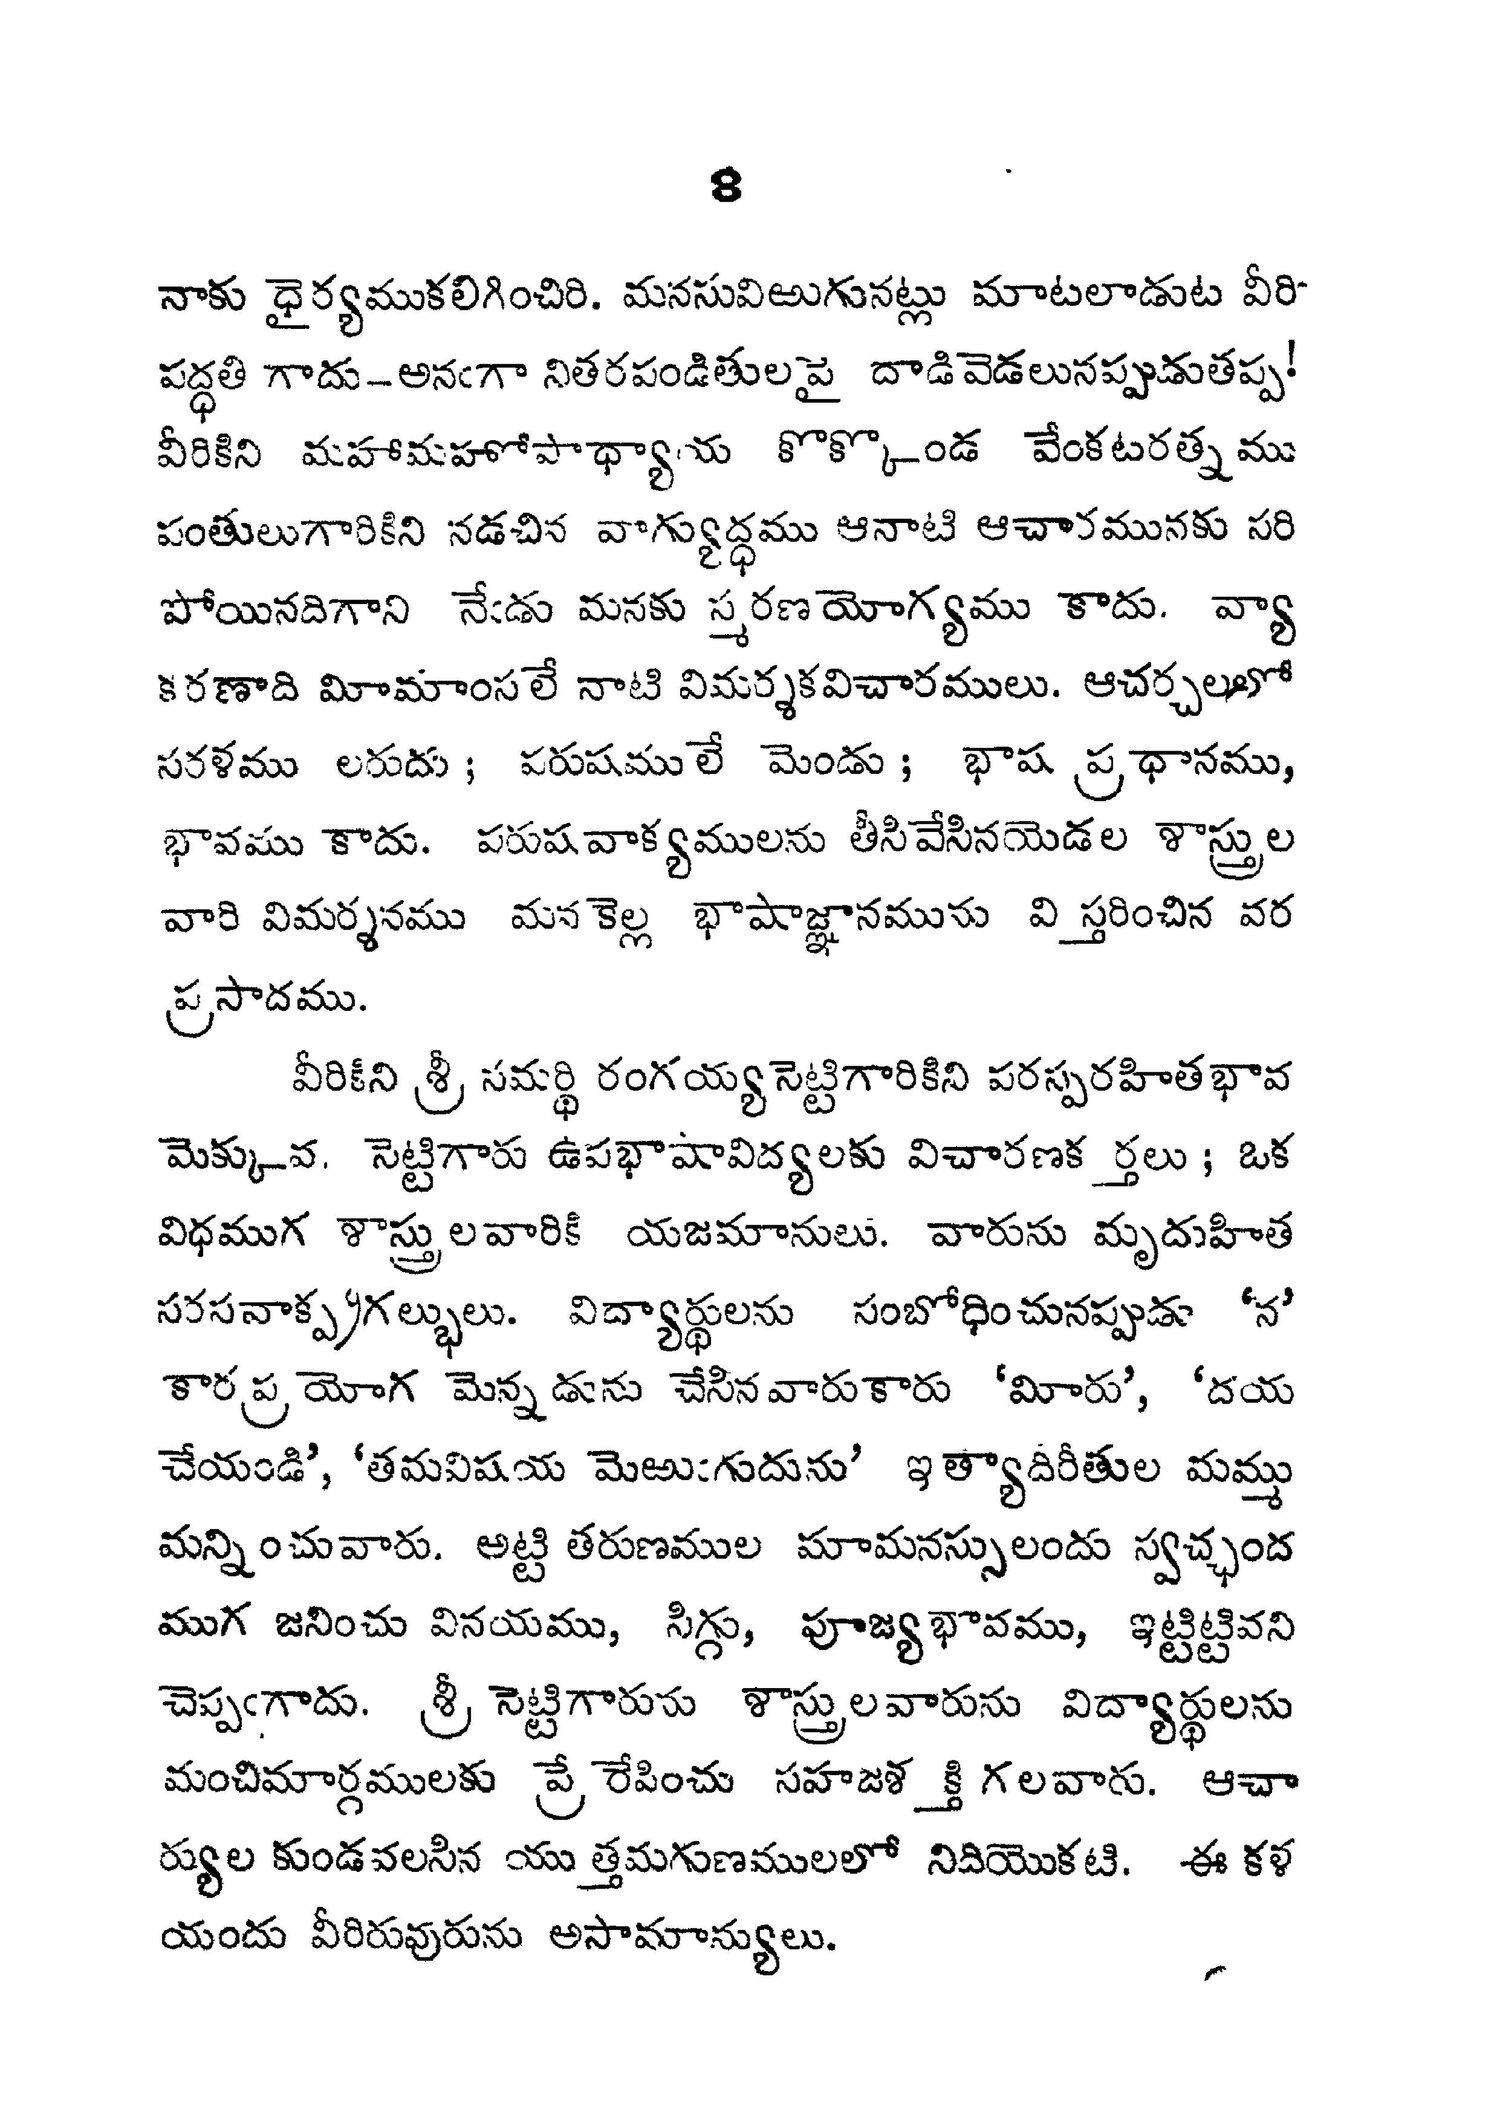నాకు ధైర్యముకలిగించిరి. మనసువిఱగునట్లు మాటలాడుట వీరిపద్ధతి గాదు - అనగా నితరపండితులపై దాడివెడలునప్పుడుతప్ప! వీరికిని మహామహోపాథ్యాయ కొక్కొండ వేంకటరత్నము పంతులుగారికిని నడచిన వాగ్యుద్ధము ఆనాటి ఆచారమునకు సరిపోయినదిగాని నేడు మనకు స్మరణయోగ్యము కాదు. వ్యాకరణాది మీమాంసలే నాటి విమర్శకవిచారములు. ఆచర్చలలో సరళము లరుదు; పరుషములే మెండు; భాష ప్రథానము, భావము కాదు. పరుషవాక్యములను తీసివేసినయెడల శాస్త్రులవారి విమర్శనము మనకెల్ల భాషాజ్ఞానమును విస్తరించిన వరప్రసాదము.

వీరికిని శ్రీ సమర్థి రంగయ్యసెట్టిగారికిని పరస్పరహితభావ మెక్కువ. సెట్టిగారు ఉపభాషావిద్యలకు విచారణకర్తలు; ఒక విధముగ శాస్త్రులవారికి యజమానులు. వారును మృదుహిత సరసవాక్ప్రగల్భులు. విద్యార్థులను సంబోధించునప్పుడు 'న' కారప్రయోగ మెన్నడును చేసినవారుకారు ;మీరు', 'దయ చేయండి', 'తమవిషయ మెఱుగుదును' ఇత్యాదిరీతుల మమ్ము మన్నించువారు. అట్టి తరుణముల మామనస్సులందు స్వచ్ఛందముగ జనించు వినయము, సిగ్గు, పూజ్యభావము, ఇట్టిట్టివని చెప్పగాదు. శ్రీ సెట్టిగారును శాస్త్రులవారును విద్యార్థులను మంచిమార్గములకు ప్రేరేపించు సహజశక్తి గలవారు. ఆచార్యుల కుండవలసిన యుత్తమగుణములలో నిదియొకటి. ఈకళయందు వీరిరువురును అసామాన్యులు.